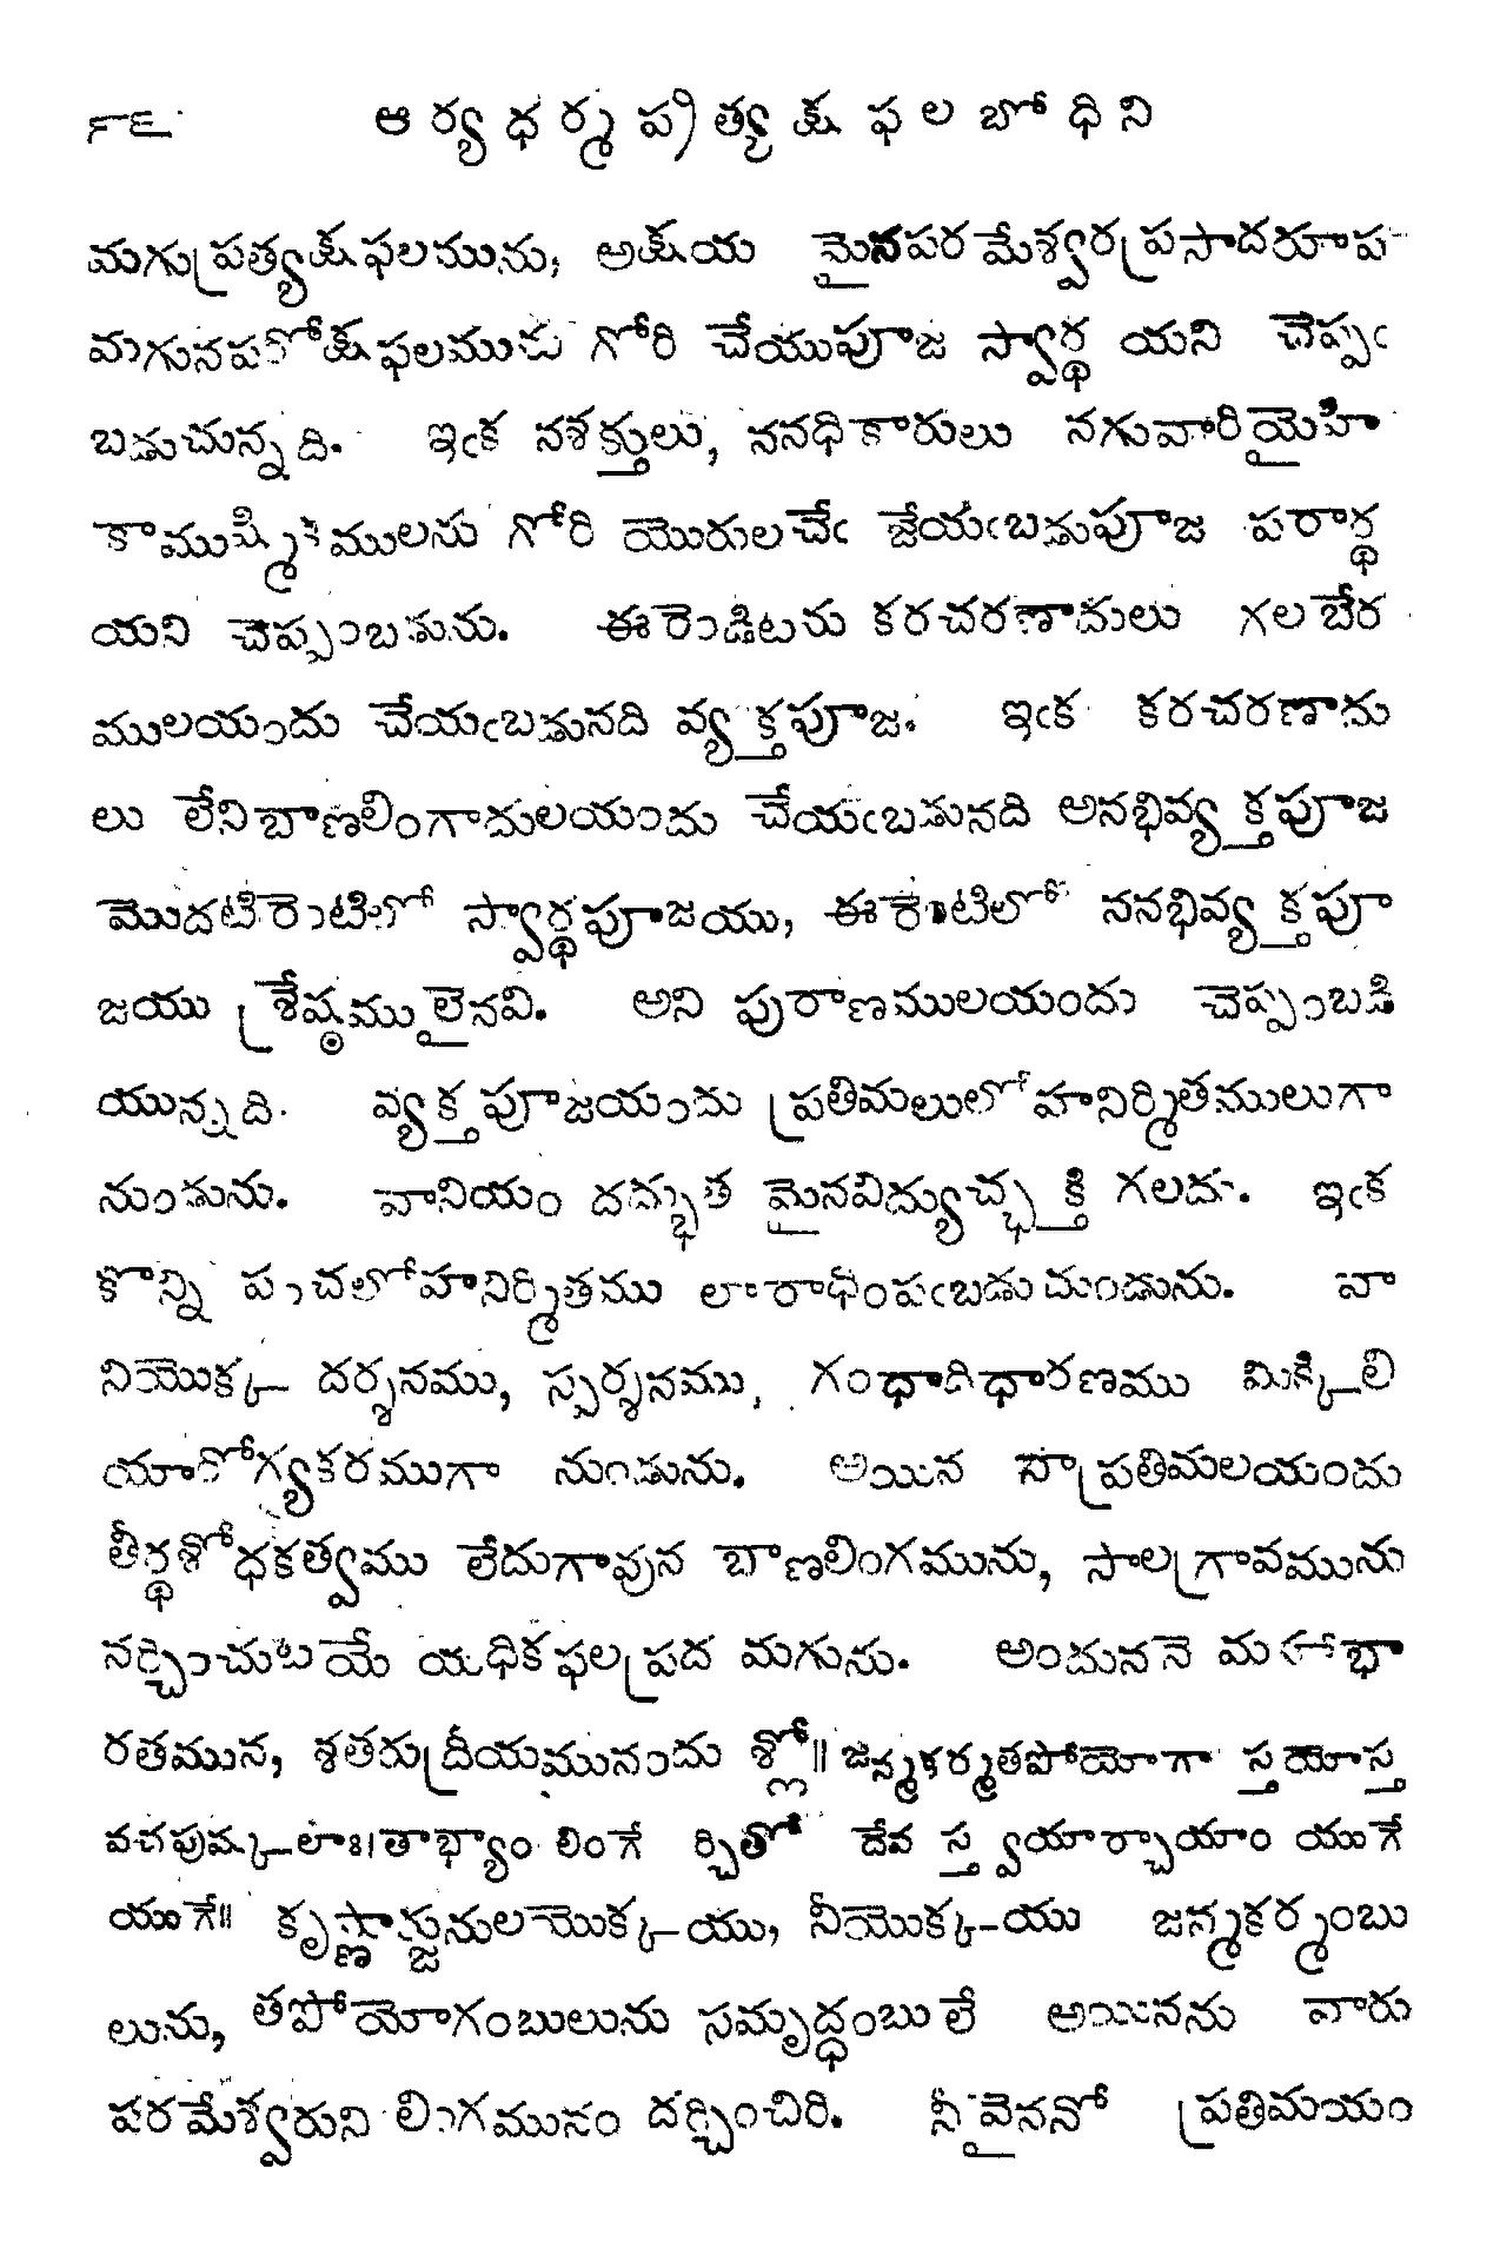మగుప్రత్యక్షఫలమును, అక్షయ మైనపరమేశ్వరప్రసాదరూపమగునపరోక్షఫలమును గోరి చేయుపూజ స్వార్థ యని చెప్పఁబడుచున్నది. ఇఁక నశక్తులు, ననధికారులు నగువారియైహికాముష్మికములను గోరి యొరులచేఁ జేయఁబడుపూజ పరార్థ యని చెప్పబడును. ఈరెండిటను కరచరణాదులు గలబేరములయందు చేయఁబడునది వ్యక్తపూజ. ఇఁక కరచరణాదులు లేనిబాణలింగాదులయందు చేయఁబడునది అనభివ్యక్తపూజ మొదటిరెంటిలో స్వార్థపూజయు, ఈరెంటిలో ననభివ్యక్తపూజయు శ్రేష్ఠములైనవి. అని పురాణములయందు చెప్పబడియున్నది. వ్యక్తపూజయందు ప్రతిమలులోహనిర్మితములుగా నుండును. వానియం దద్భుత మైనవిద్యుచ్ఛక్తి గలదు. ఇఁక కొన్ని పంచలోహనిర్మితము లారాధింపఁబడుచుండును.
వానియొక్క దర్శనము, స్పర్శనము, గంధాదిధారణము మిక్కిలి యారోగ్యకరముగా నుండును. అయిన నాప్రతిమలయందు తీర్థశోధకత్వము లేదుగావున బాణలింగమును, సాలగ్రావమును నర్చించుటయే యధికఫలప్రద మగును. అందుననె మహాభారతమున, శతరుద్రీయమునందు శ్లో॥ జన్మకర్మతపోయోగా సయోస్తవచపుష్కలాః।తాభ్యాం లింగే ర్చితో దేవ స్త్వయార్చాయాం యుగే యుగే॥ కృష్ణార్జునులయొక్కయు, నీయొక్కయు జన్మకర్మంబులును, తపోయోగంబులును సమృద్ధంబులే అయినను వారు పరమేశ్వరుని లింగమునం దర్చించిరి. నీవైననో ప్రతిమయం